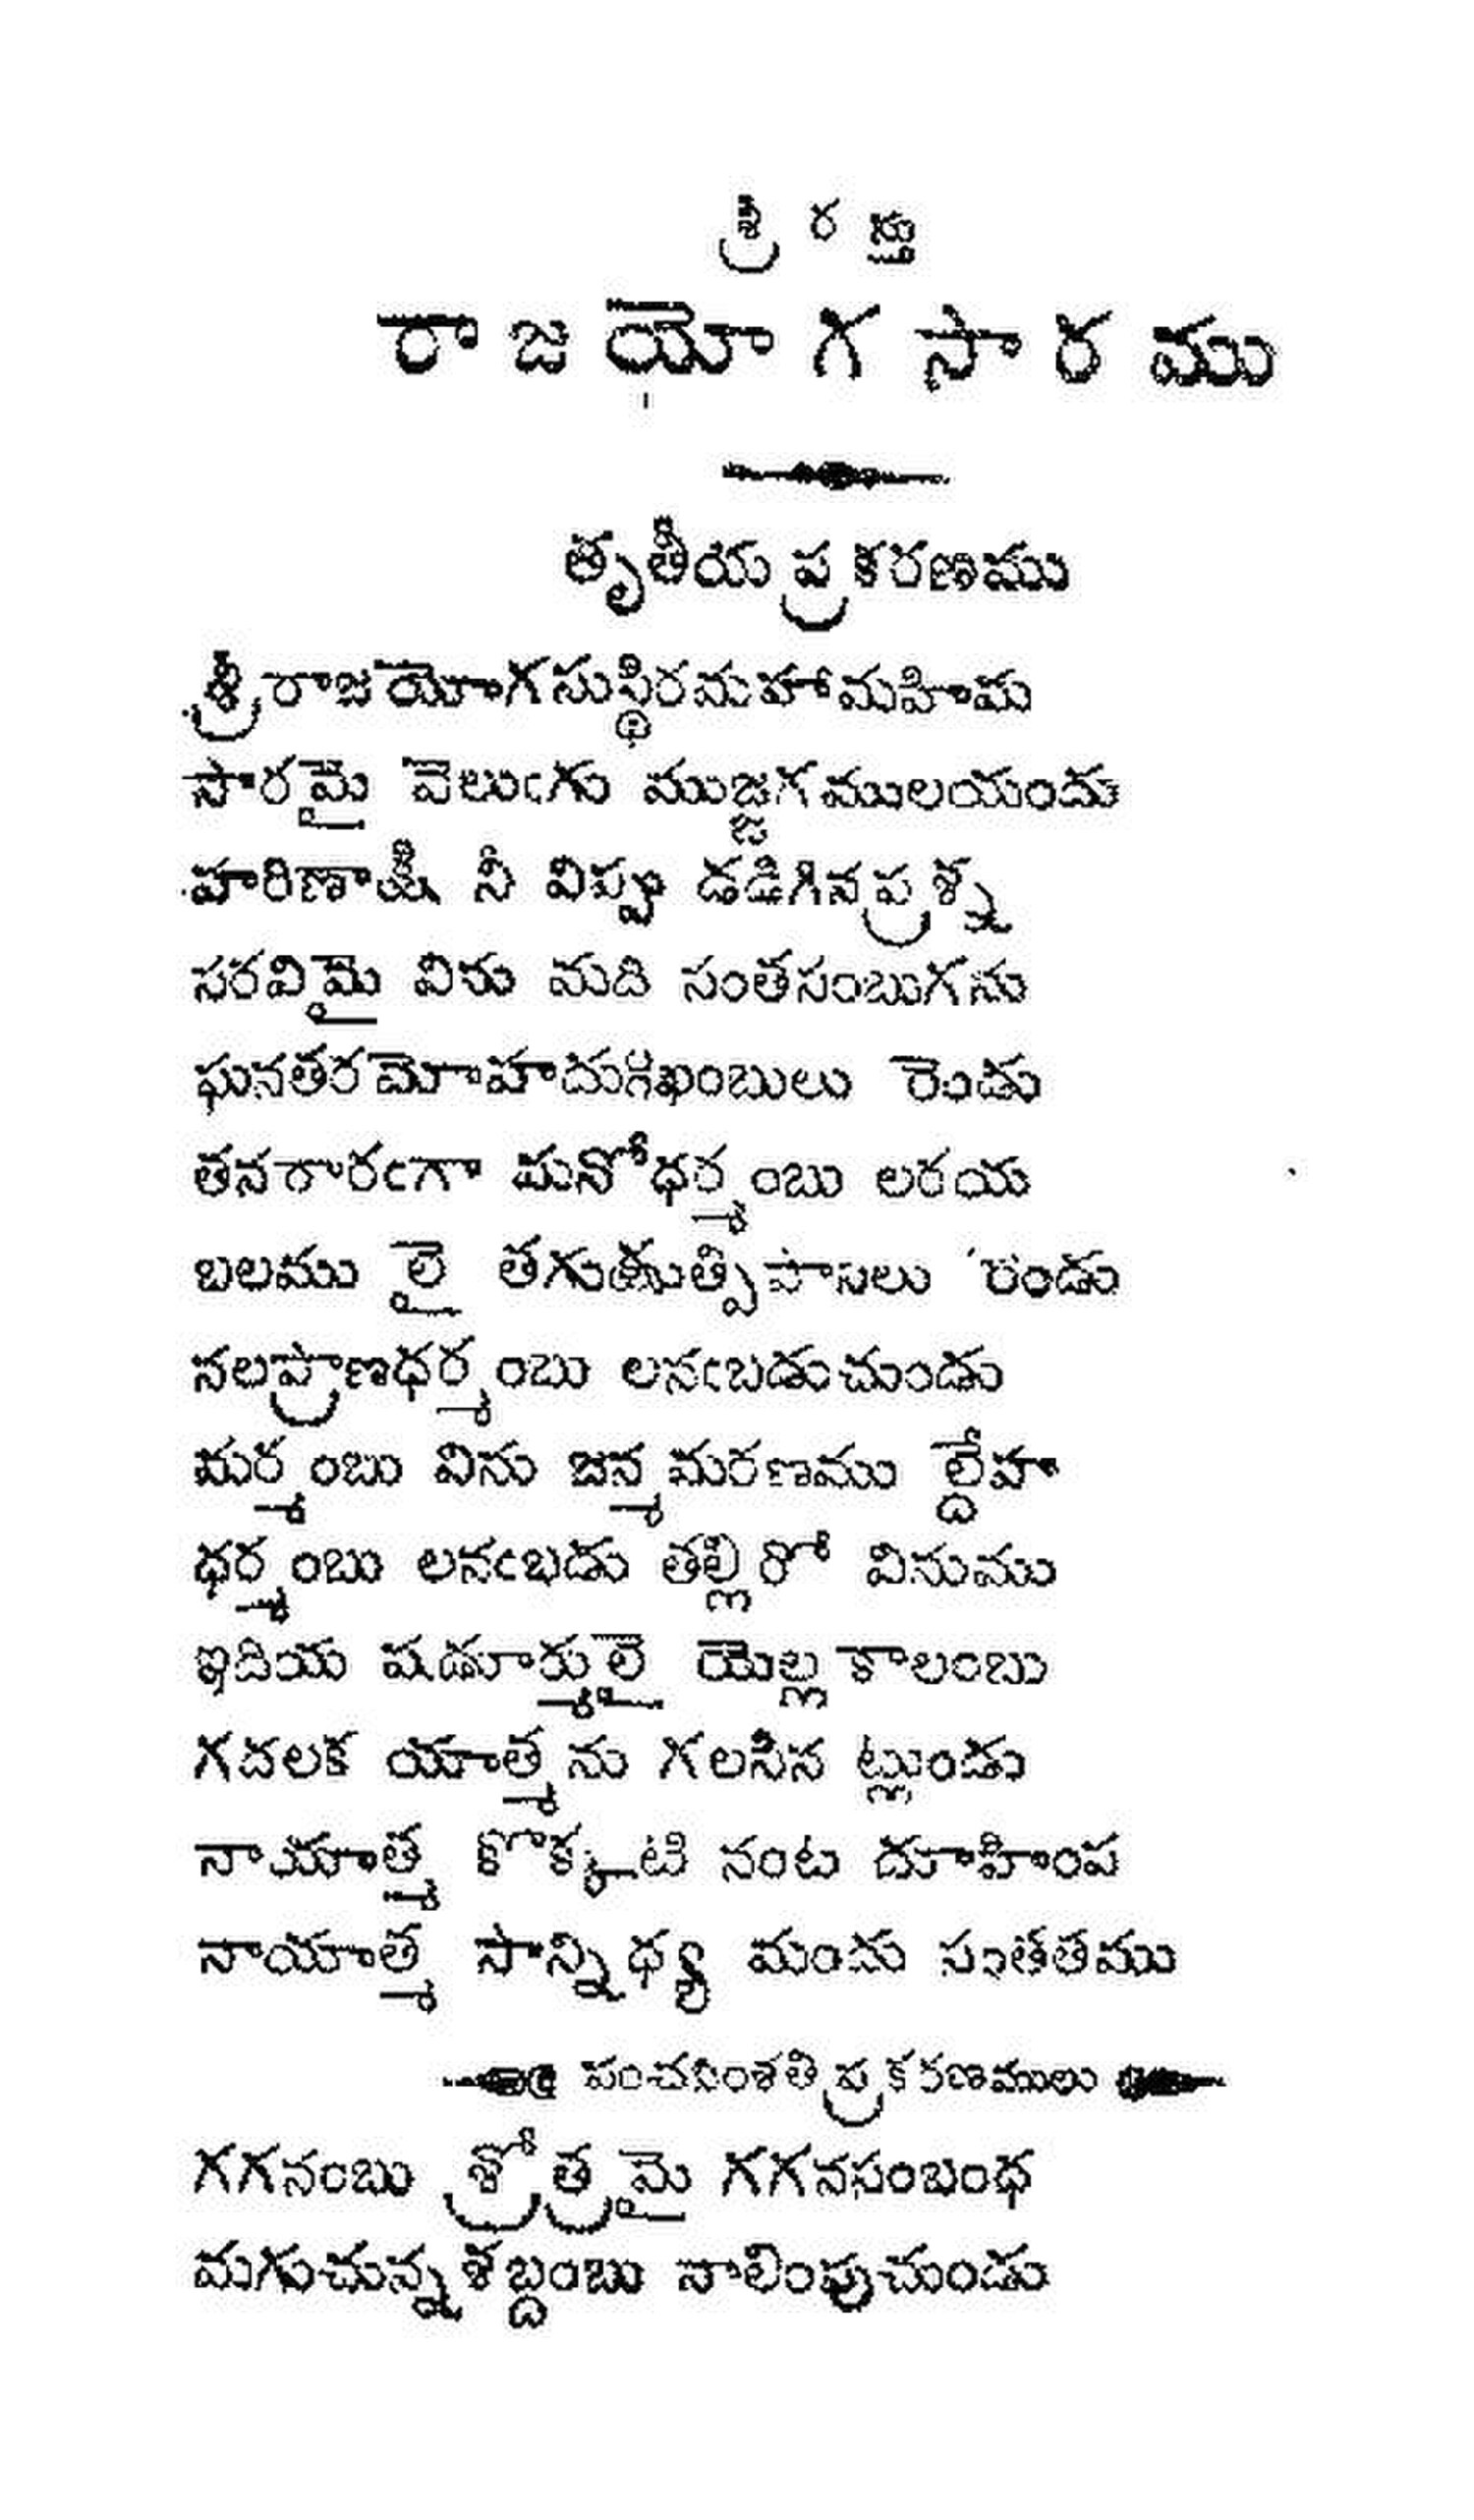శ్రీ రాజయోగసుస్థిరమహామహిమ
సారమై వెలుఁగు ముజ్జగములయందు
హరిణాక్షి నీ విప్పు డడిగినప్రశ్న
సరవిమై విను మది సంతసంబుగను
ఘనతరమోహదుఃఖంబులు రెండు
తనరారఁగా మనోధర్మంబు లరయ
బలము లై తగుక్షుత్పిపాసలు రెండు
నలప్రాణధర్మంబు లనఁబడుచుండు
మర్మంబు విను జన్మమరణము ల్దేహ
ధర్మంబు లనఁబడు తల్లిరో వినుము
ఇదియ షడూర్ములై యెల్లకాలంబు
గదలక యాత్మను గలసినట్లుండు
నాయాత్మ కొక్కటి నంట దూహింప
నాయాత్మ సాన్నిధ్య మందు సంతతము
 
 

గగనంబు శ్రోత్రమై గగనసంబంధ
మగుచున్నశబ్దంబు నాలింపుచుండు